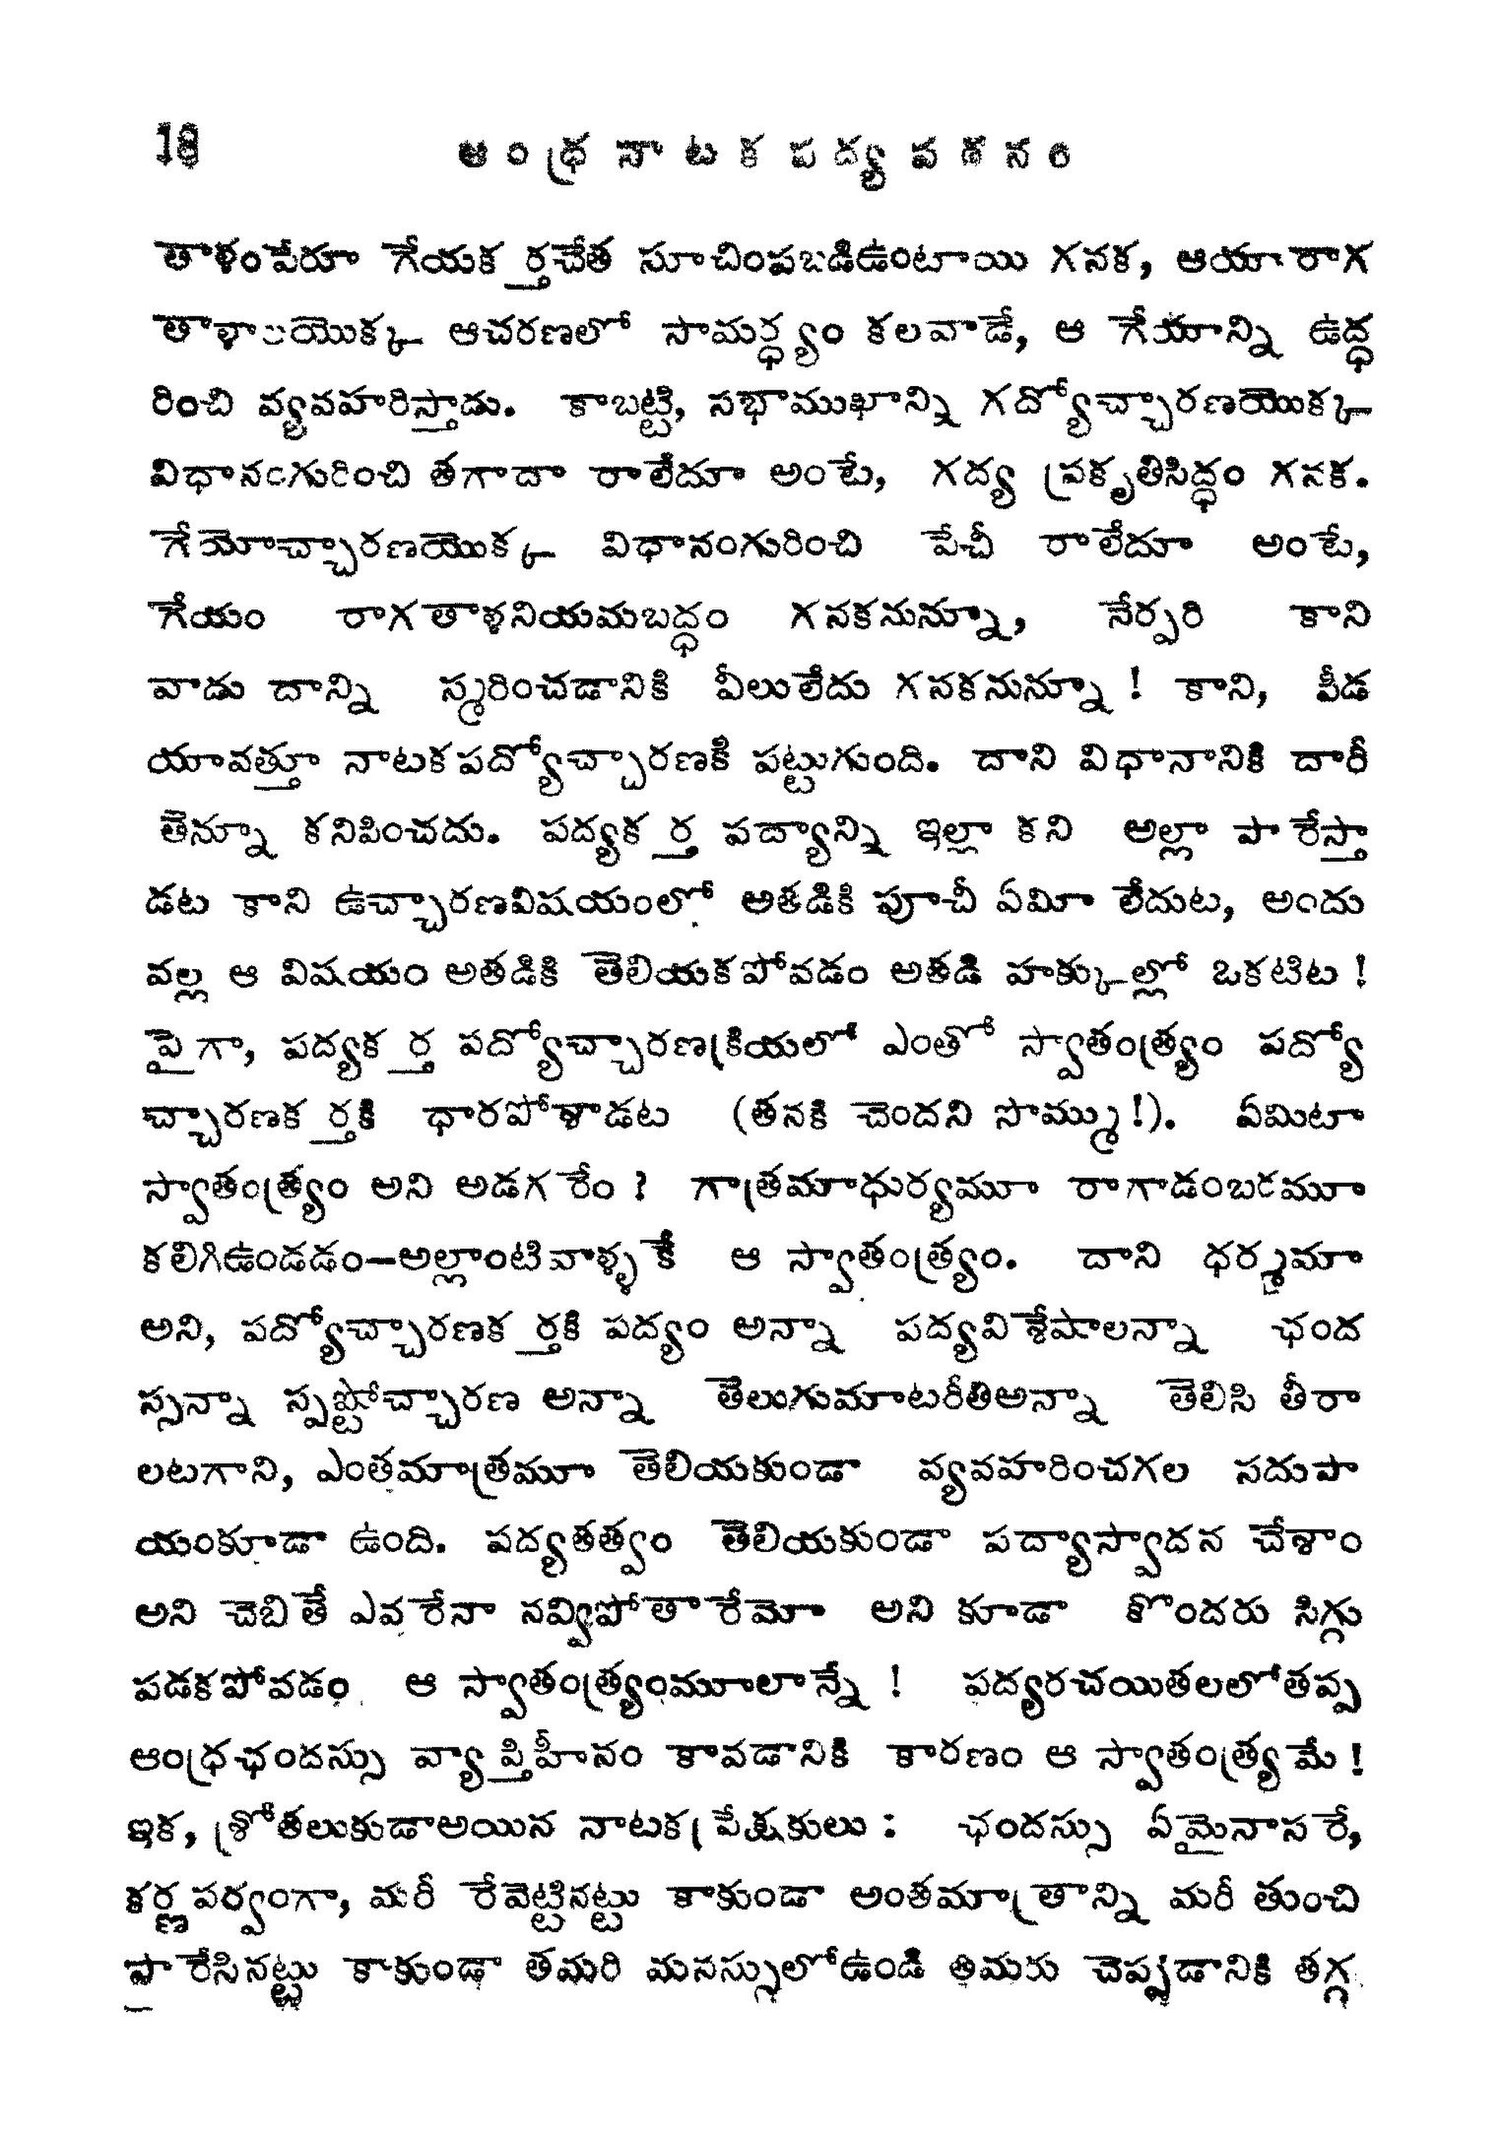తాళంపేరూ గేయకర్తచేత సూచింపబడిఉంటాయి గనక, ఆయారాగ
తాళాలయొక్క ఆచరణలో సామర్ధ్యం కలవాడే, ఆ గేయాన్ని ఉద్ధ
రించి వ్యవహరిస్తాడు. కాబట్టి, సభాముఖాన్ని గద్యోచ్చారణయొక్క
విధానంగురించి తగాదా రాలేదూ అంటే, గద్య ప్రకృతిసిద్ధం గనక.
గేయోచ్చారణయొక్క విధానంగురించి పేచీ రాలేదూ అంటే,
గేయం రాగతాళనియమబద్ధం గనకనున్నూ, నేర్పరి కాని
వాడు దాన్ని స్మరించడానికి వీలులేదు గనకనున్నూ ! కాని, పీడ
యావత్తూ నాటకపద్యోచ్చారణకి పట్టుగుంది. దాని విధానానికి దారీ
తెన్నూ కనిపించదు. పద్యకర్త పద్యాన్ని ఇల్లా కని అల్లా పారేస్తా
డట కాని ఉచ్చారణవిషయంలో అతడికి పూచీ ఏమీ లేదుట, అందు
వల్ల ఆ విషయం అతడికి తెలియకపోవడం అతడి హక్కుల్లో ఒకటిట !
పైగా, పద్యకర్త పద్యోచ్చారణక్రియలో ఎంతో స్వాతంత్ర్యం పద్యో
చ్చారణకర్తకి ధారపోశాడట (తనకి చెందని సొమ్ము !). ఏమిటా
స్వాతంత్య్రం అని అడగరేం ! గాత్రమాధుర్యమూ రాగాడంబరమూ
కలిగిఉండడం—అల్లాంటివాళ్ళకే ఆ స్వాతంత్ర్యం. దాని ధర్మమా
అని, పద్యోచ్చారణకర్తకి పద్యం అన్నా పద్యవిశేషాలన్నా ఛంద
స్సన్నా స్పష్టోచ్చారణ అన్నా తెలుగుమాటరీతిఅన్నా తెలిసి తీరా
లటగాని, ఎంతమాత్రమూ తెలియకుండా వ్యవహరించగల సదుపా
యంకూడా ఉంది. పద్యతత్వం తెలియకుండా పద్యాస్వాదన చేశాం
అని చెబితే ఎవరేనా నవ్విపోతారేమో అని కూడా కొందరు సిగ్గు
పడకపోవడం ఆ స్వాతంత్ర్యంమూలాన్నే! పద్యరచయితలలోతప్ప
ఆంధ్రఛందస్సు వ్యాప్తిహీనం కావడానికి కారణం ఆ స్వాతంత్య్రమే!
ఇక, శ్రోతలుకుడాఅయిన నాటక ప్రేక్షుకులు : ఛందస్సు ఏమైనాసరే,
కర్ణ పర్వంగా, మరీ రేవెట్టినట్టు కాకుండా అంతమాత్రాన్ని మరీ తుంచి
పారేసినట్టు కాకుండా తమరి మనస్సులోఉండి తమరు చెప్పడానికి తగ్గ